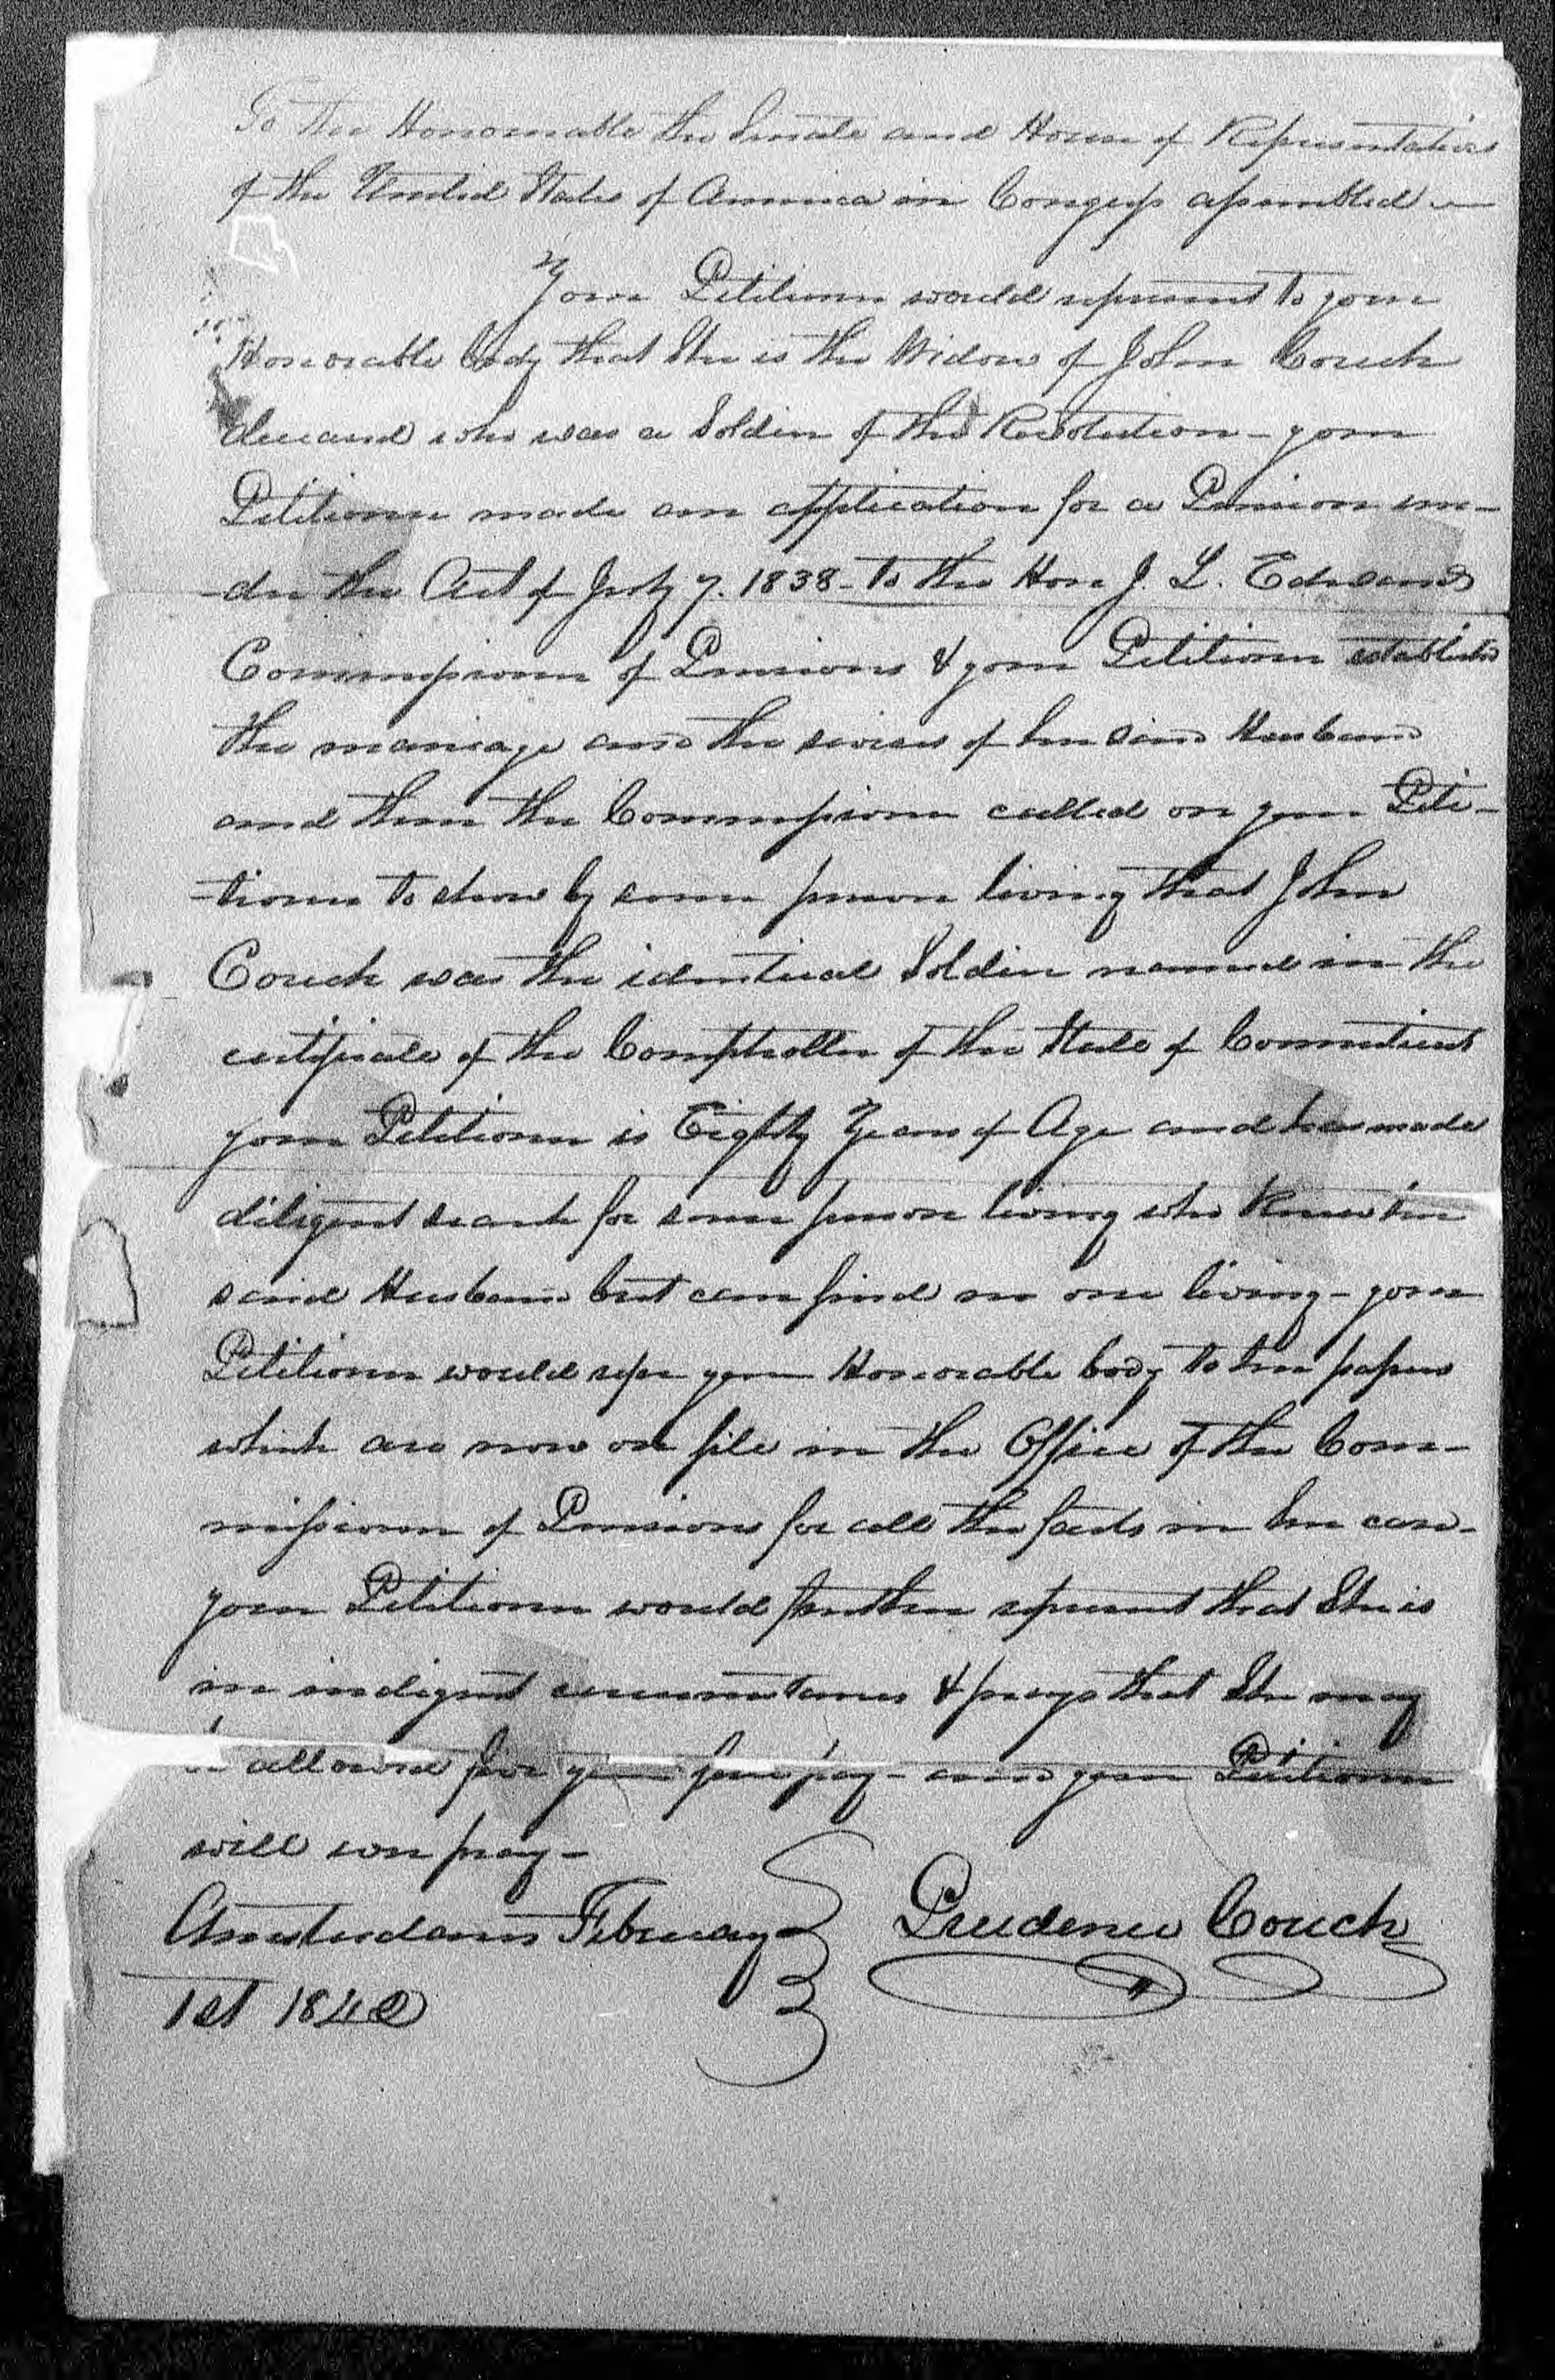To the Honorable ? Senate and House of Representatives of the United States of Americca in Congress assembled

Your Petitioner would ? to your Honorable body that She is the Widow of John Couch deceased who was a Soldier of the Revollution. Your Petitioner made an application for a Pension under the Act of July 7, 1838 to the Hon. J. L.. Edward Commissioner of Pensions & your Petitioner established her marriage and the services of her said Husband and  then the Commissioner called on  your Petitioner to show by some person living that John Couch was the identical Soldier named in the certificate of the Comptroller of the State of Connecticut. Your Petitoner is Eighty years of age and has made diligent search for some person living who knew her said Husband but can find no one living. Your Petitioner would  refer your Honorable body to the papers which are now on file in the Office of the Commissiioner of Pensions for all the facts in her case. Your Petitioner would further ? that She is in indigent circumstances & prays that She may be allowed five years pay and Your Petitioner will ?
Prudence Couch
Amsterdam
February 1st 1842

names: Prudence Couch, J L Edwards, John Couch, John Couch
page: 68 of 68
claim: rejected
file: R. 2,360, John Couch, Conn.